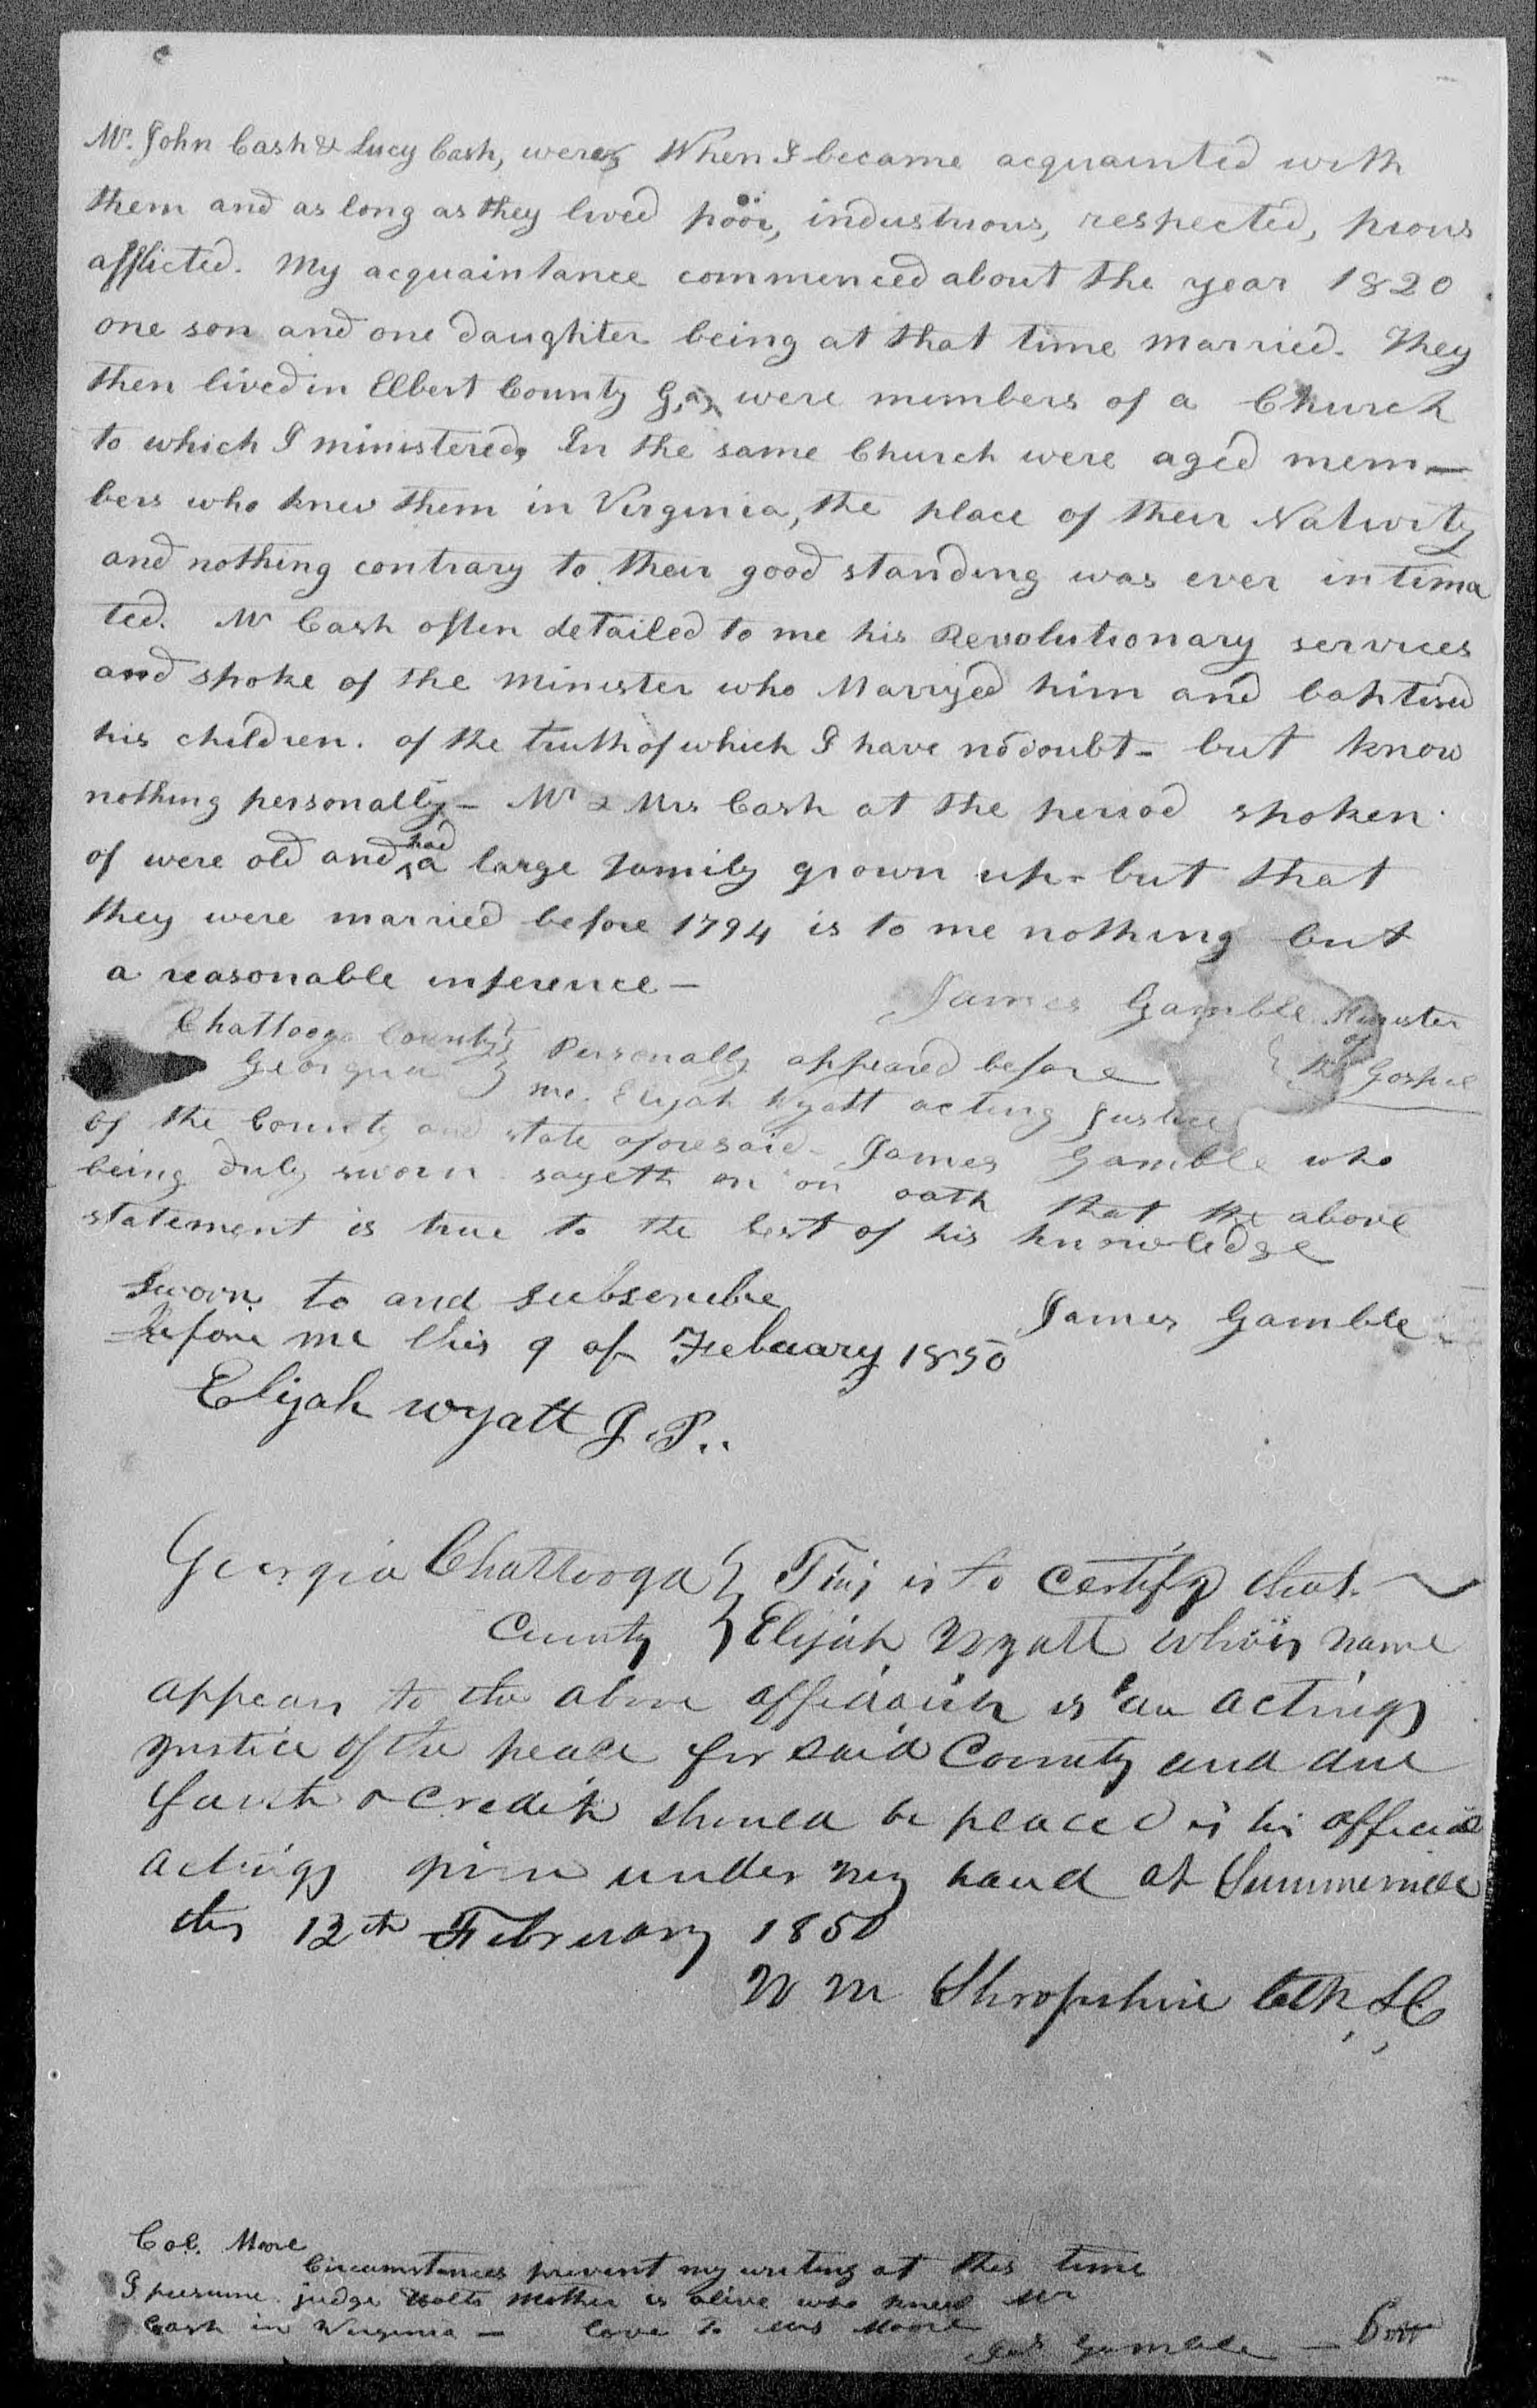-
John Cash & Lucy Cash, were, when I became acquainted with them   and as long as they lived, poor, industrious, respected, pious _____. My acquaintance commenced about the year 1820. 
One son and one daughter being at that time married. They in lived in Elbert County Ga were members of a Church which I ministered, In the same church were aged members who knew them in Virginia, the place of their nativity and nothing contrary to their good standing was ever intimated.
Cash often detailed to me his Revolutionary services and spoke of the minister who married him and baptized his
children. Of the truth of which I have no doubt-- but know nothing personally-- Mr & Mrs Cash at the period spoken were old and a large family grown up-- but that
they were married before 1794 is to me nothing but reasonable inference.
James Gamble Minster


Chattooga County  
 Georgia ⎬ 
Personally appeared before me, Elijah West acting Justice of the County and State aforesaid, James Gamble who being duly sworn sayeth on oath that the above
statement is true to the best of his knowledge.
                 James Gamble
Sworn to and subscribe
before me this 9 of February 1850
          Elijah Wyatt J.P.
               
  Georgia Chattooga County ⎬
 This to certify that Elijah Wyatt whose name appears to the above affidavit is an acting Justice of the peace for said County and due faith and credit should be placed in his official actings. Signed under my hand at Summerville this 12th February 1850
W M Shropshire Clk


Col. Moore
Circumstances prevent my writing at this time. I presume 
Judge walls mother is alive when John
Cash was in Virginia
 love to Mrs. Moore
Jas Gamble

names: Cash, Elijah Wyatt, John Cash, Elijah Wyatt, James Gamble, W M Shropshire, Jas Gamble, James Gamble, James Gamble, Elijah Wyatt, Moore, Lucy Cash, Cash, Moore, Cash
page: 66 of 73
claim: widow's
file: W. 5,894, John Cash, Va.